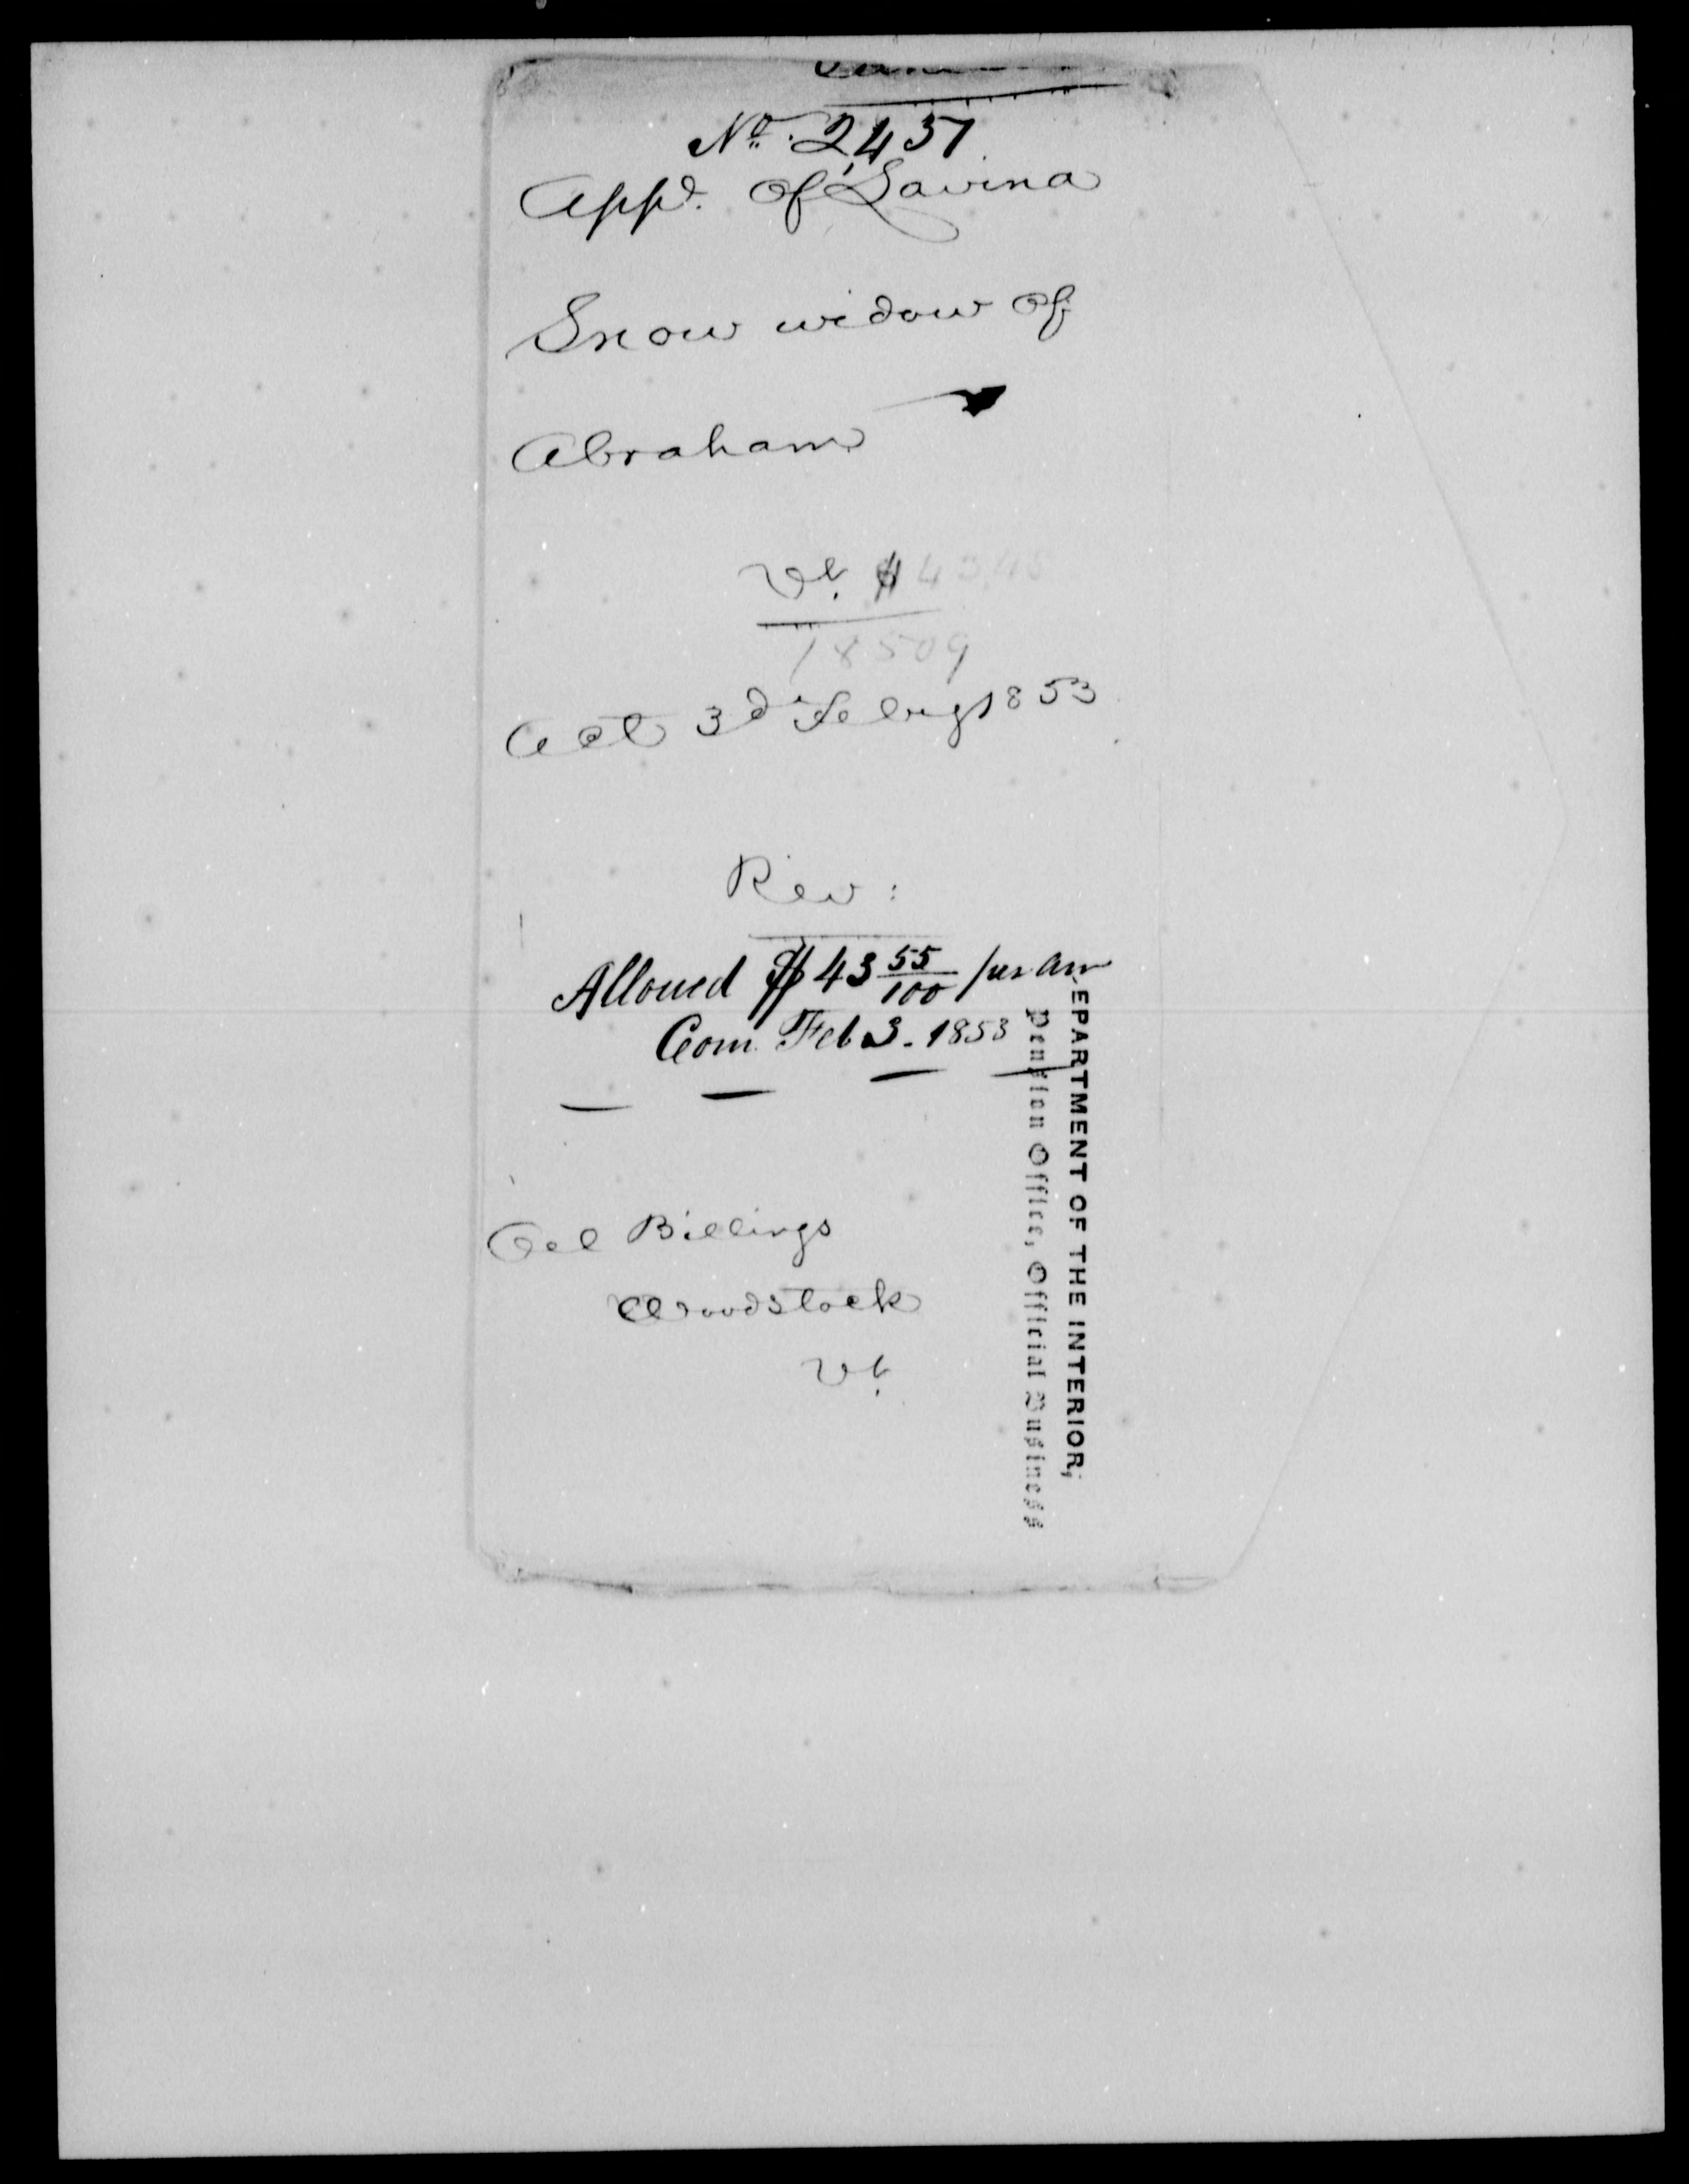No. 2,437

App. of Lavina Snow widow of Abraham
$43.45/18509 3d feb. 1853
Rev: Allowed $43 55/100 per annum from Feb 3. 1853
Oel Billings
Woodstock

Department of the Interior
Pension Office, Official Business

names: Lavina Snow; Oel Billings; Abraham Snow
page: 39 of 46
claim: widow's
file: W. 504, for Abraham Snow, Connecticut